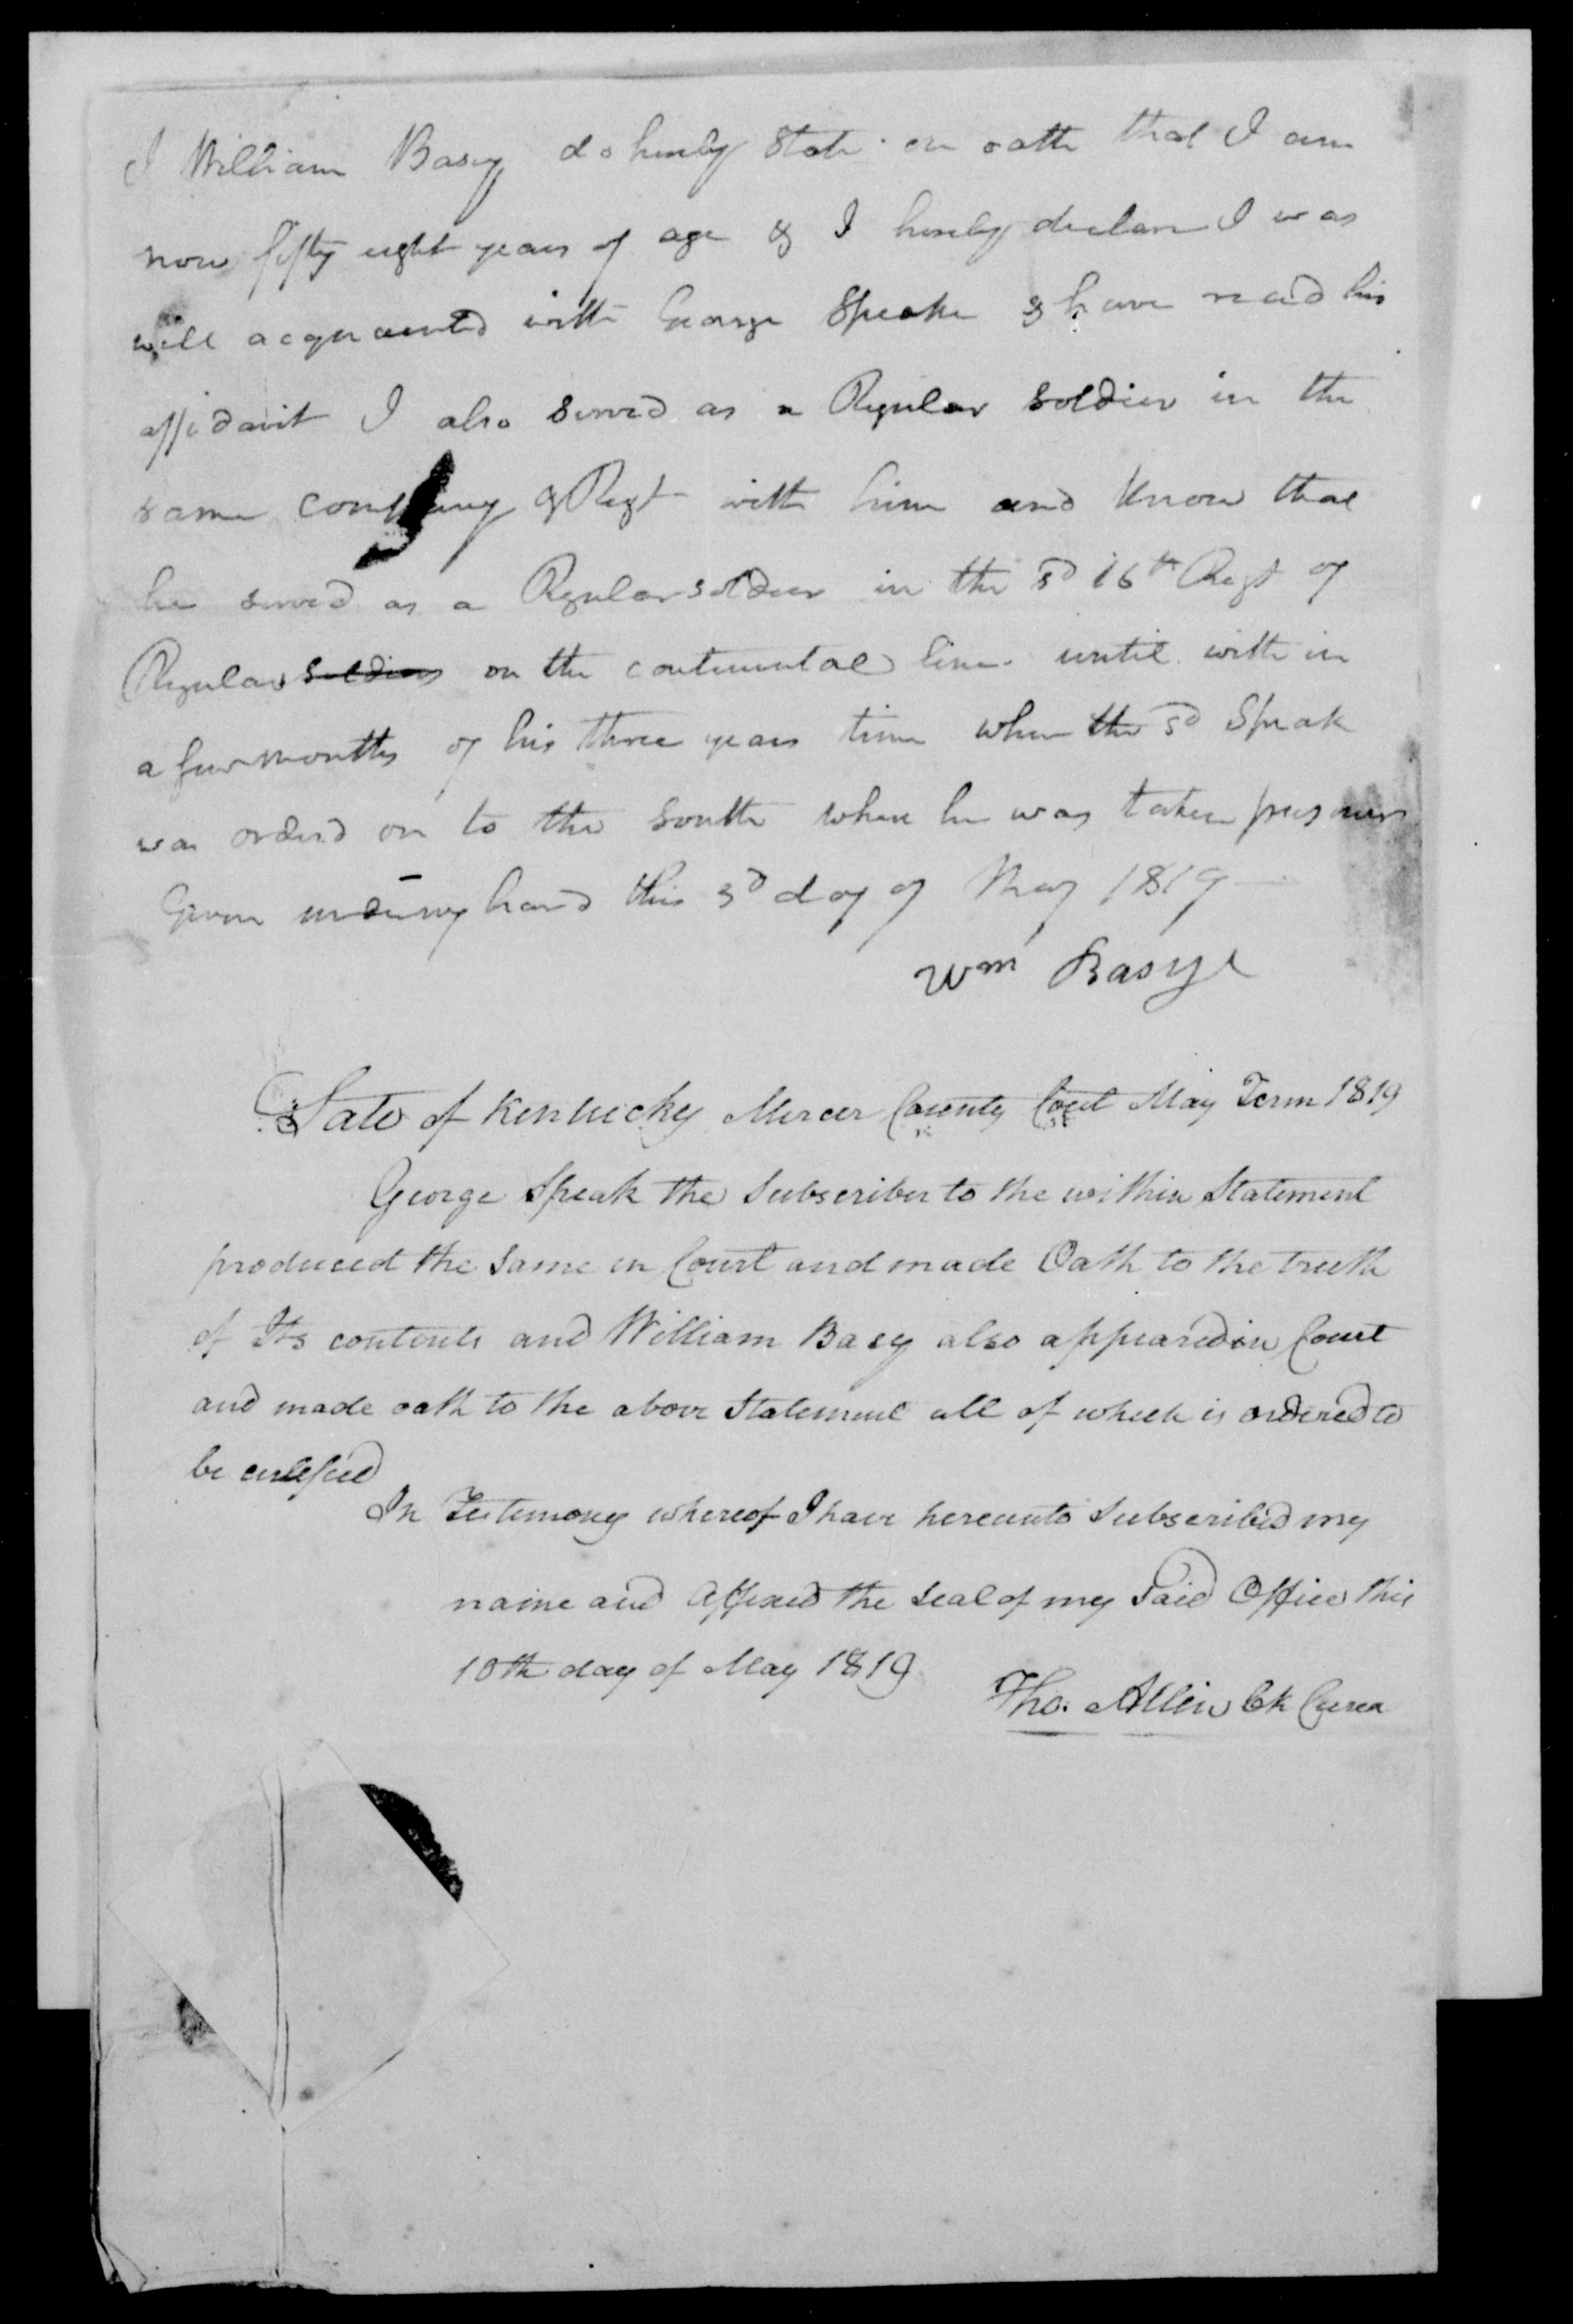I William Basy do hereby state on oath that I am now fifty eight years of age & I hereby declare I was well acquianted with George Speak & have read his affidavit I also served as a Regular soldier in the same company & Reg't with him and know that he served a a regular soldier in the sd. 16th Reg't. of Regulars on the continental line until within a four months of his three years time when the sd. Speak was ordered on to the South where he was taken prisoner. Given under my hand this 3d day of May 1819
Wm. Basy
[Signature]

State of Kentucky Mercer County Court May Term 1819 

George Speak the subscriber to the within Statement produced the same in court and made oath to the truth of its contents and William Basy also appeared in court and made oath to the above statement all of which is ordered to be certified.
In Testimony whereof I have hereunto subscribed my name and affixed the seal of my said office this 10th day of May 1819.
Tho. Allen Clerk Court
[Signature]
[Seal]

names: George Speake; William Basy; William Basy; [BLANK] Speak; George Speak; Wm Basye; Thos Allen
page: 8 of 15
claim: survivor's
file: S. 37,435, for George Speak, Virginia